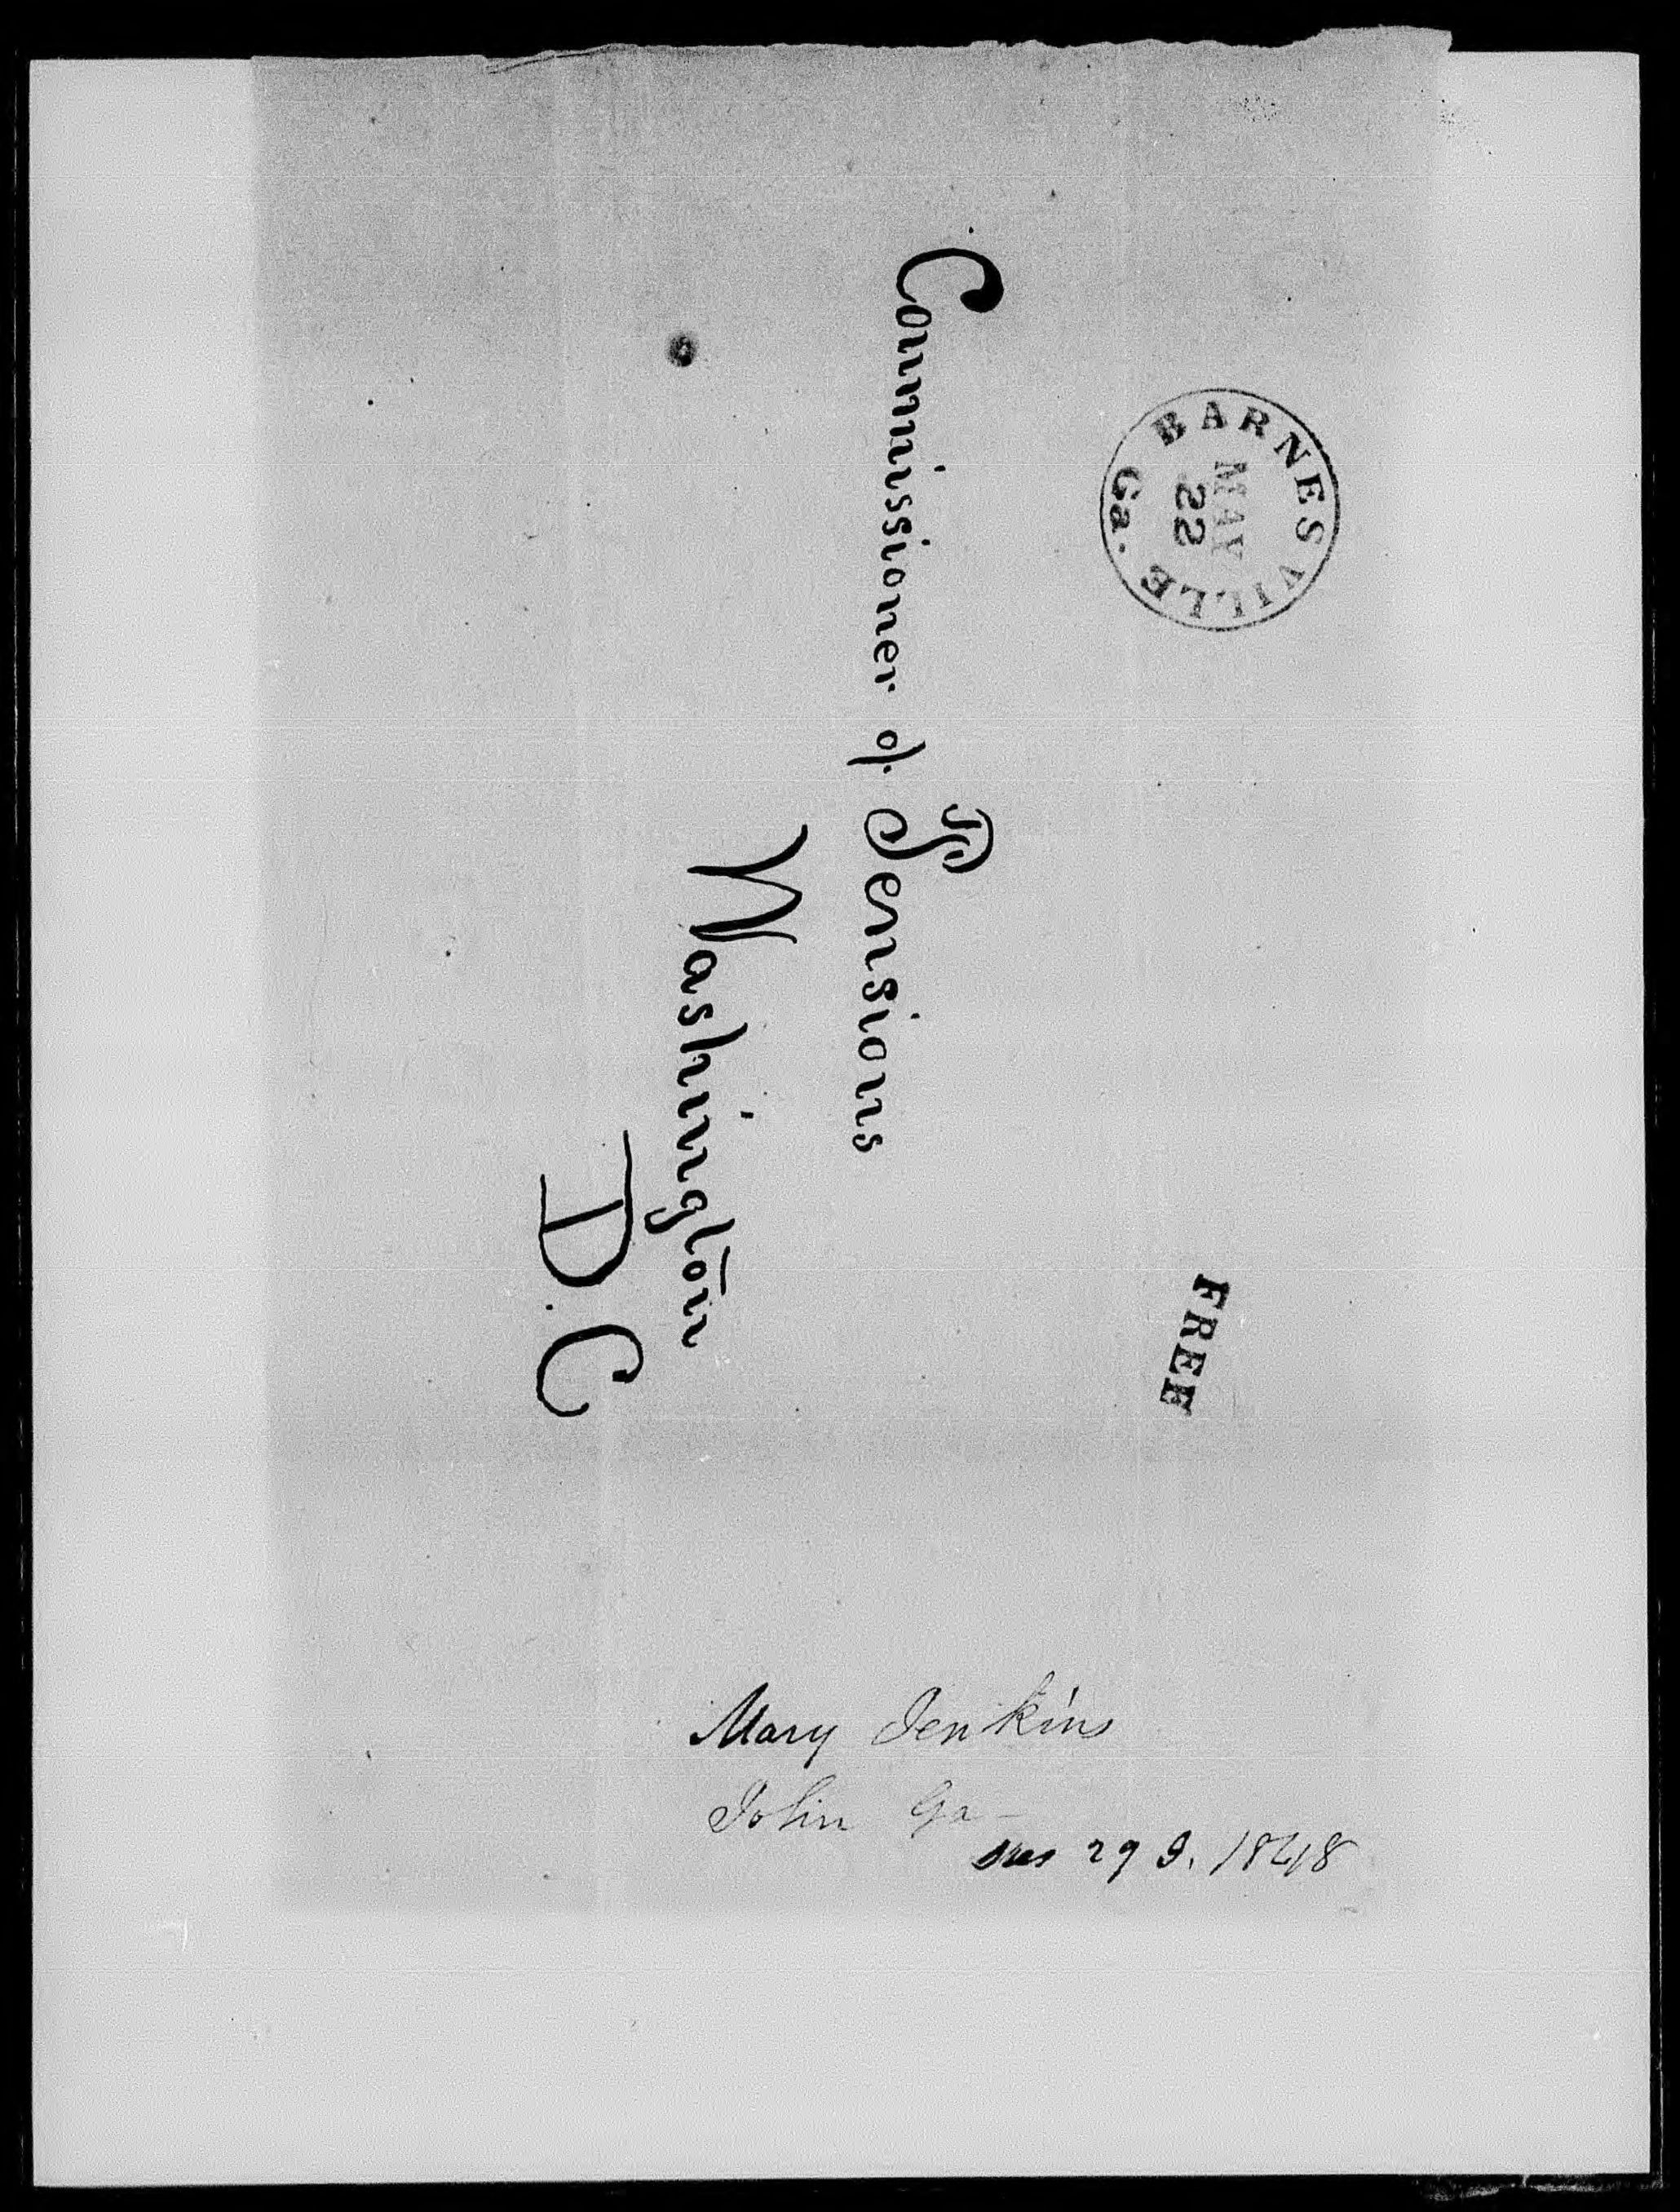[post marked] 
BARNESVILLE Ga. MAY 22
FREE
Mary Jenkins
John Ga
[illegible] 29 1848
[*Commissioner of Pensions Washington D. C*]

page: 42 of 55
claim: widow's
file: W. 7894, for John Jenkins, Virginia